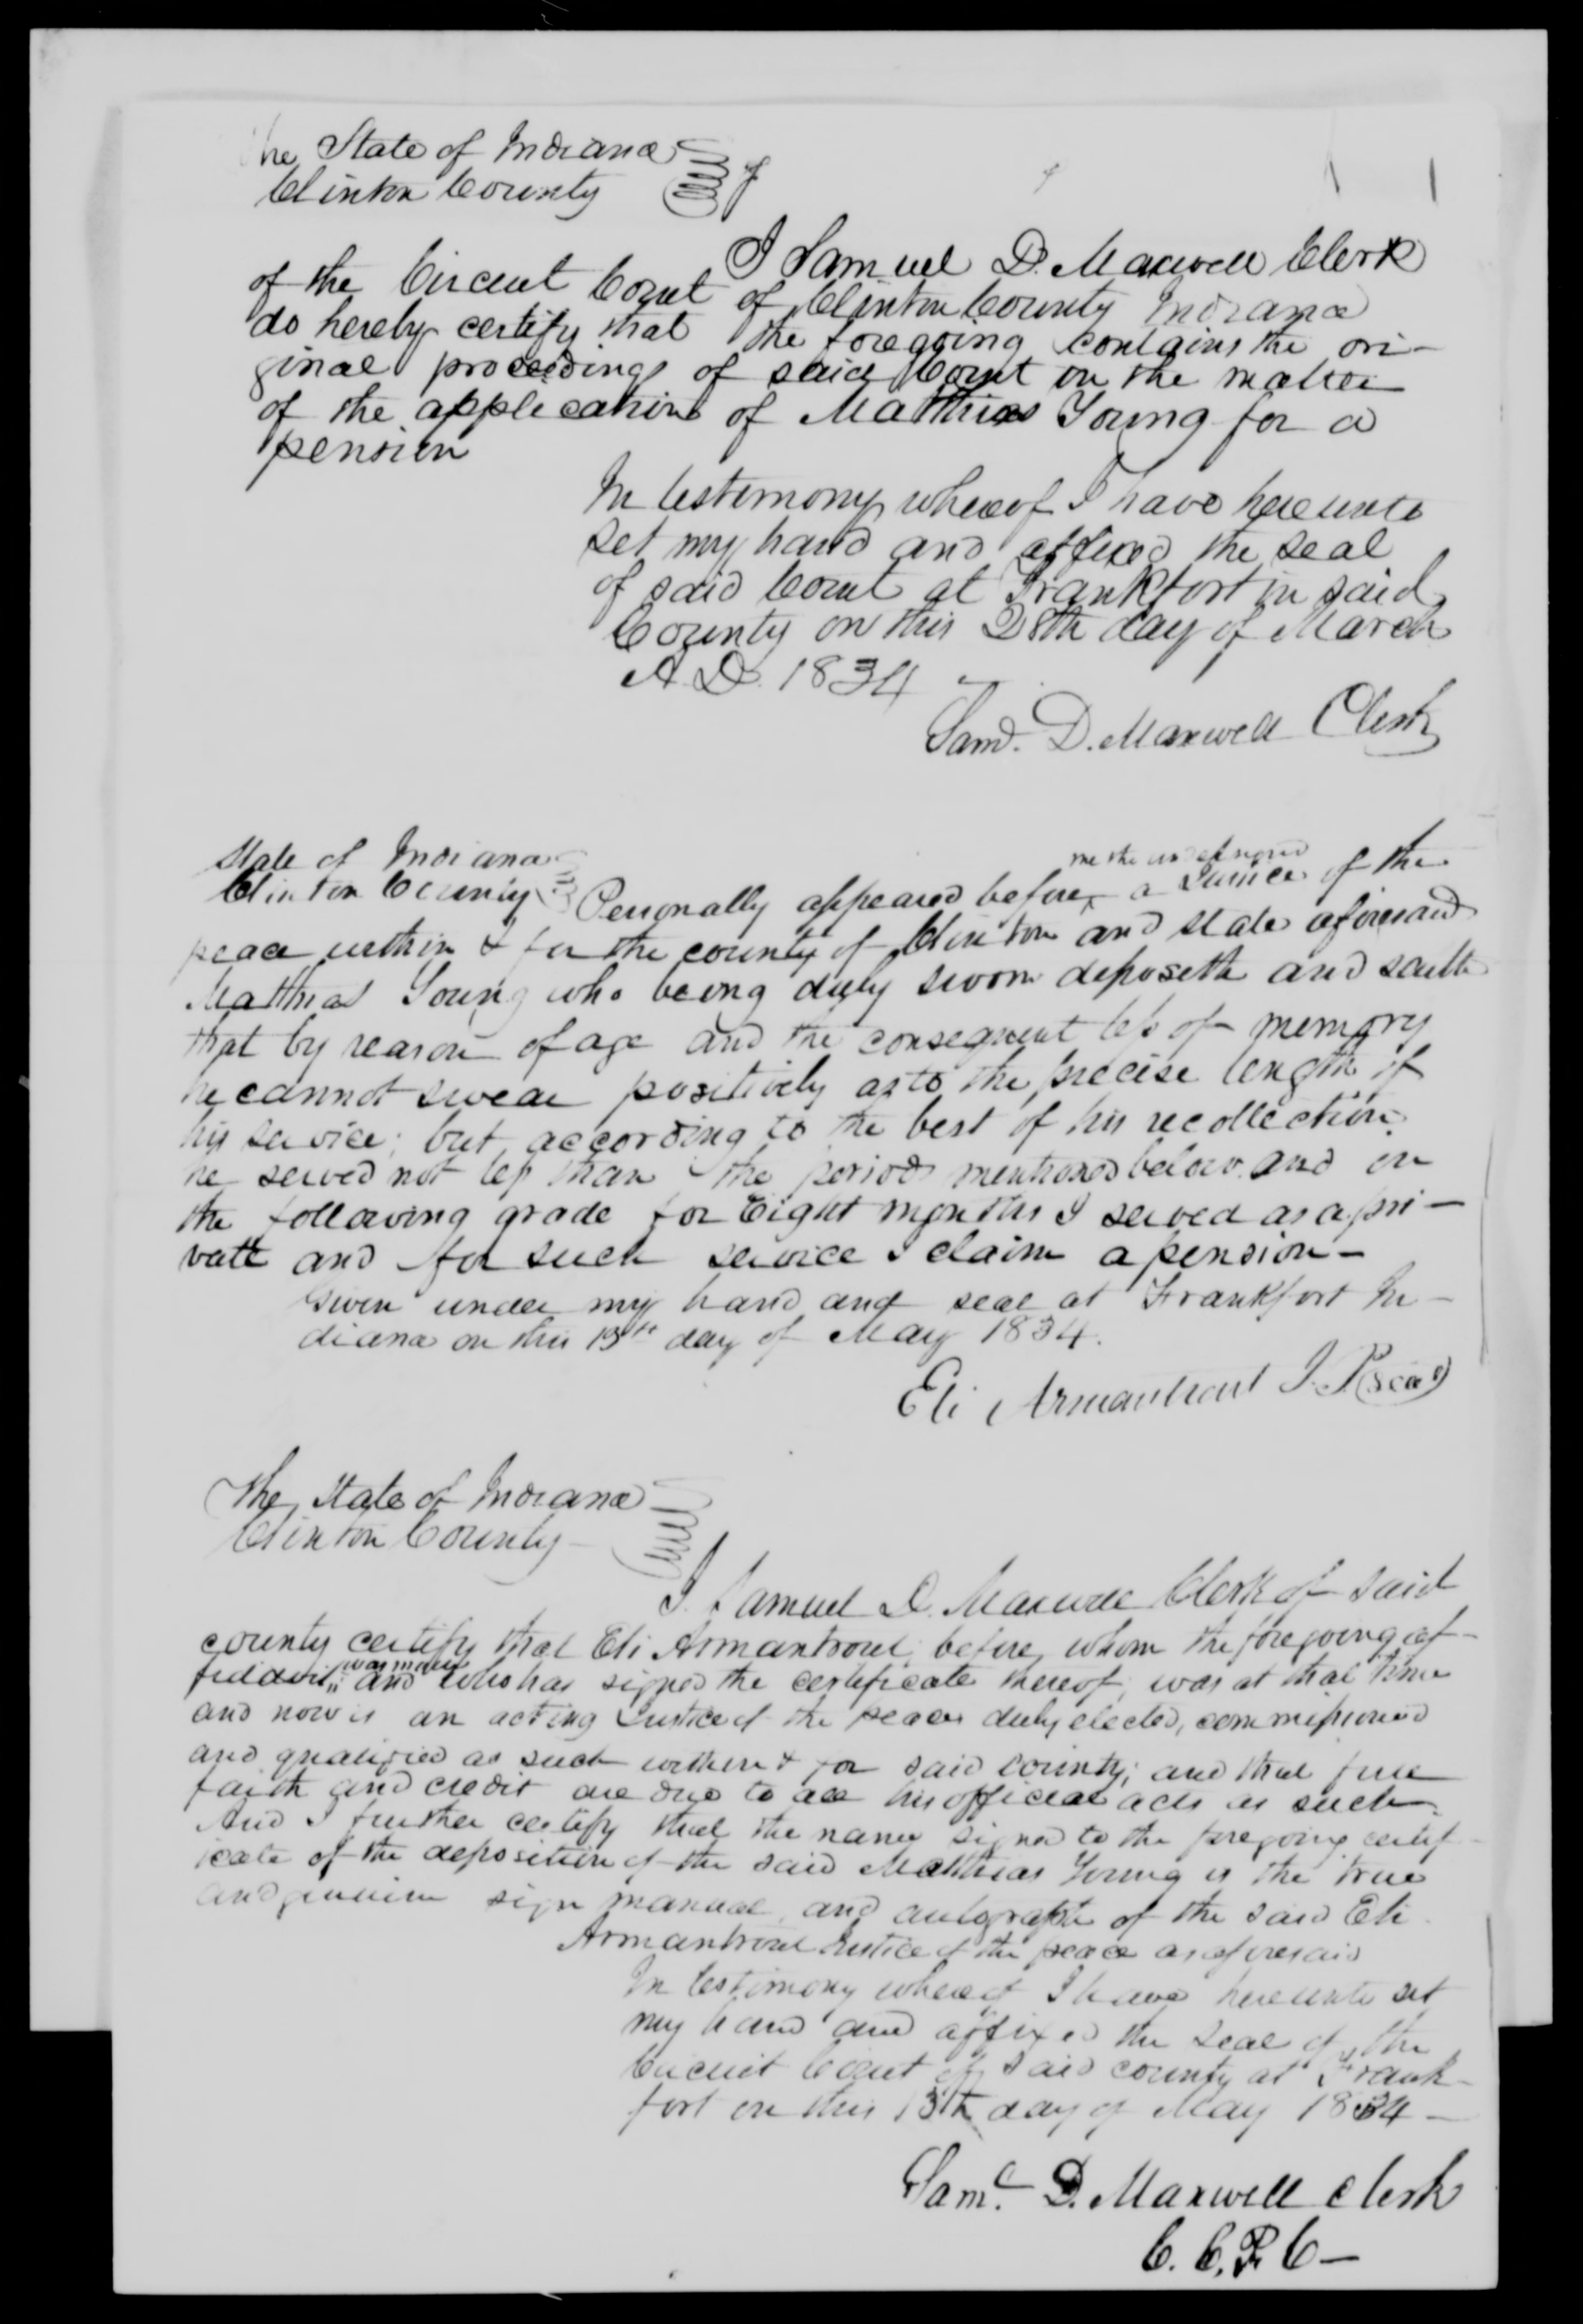The State of Indiana Clinton County ss
I Samuel D. Maxwell Clerk
of the Circuit Court of Clinton County Indiana
do hereby certify that the foregoing contains the original proceedings of said Court in the matter
of the application of Matthias Young for a
pension.
In testimony whereof I have hereunto set my hand and affixed the seal of said Court at Frankfort in said
County on this 28th day of March A.D. 1834.
Sam’l D Maxwell Clerk

State of Indiana Clinton County ss

me the us for the
Personally appeared before me the [illegible] [subscriber?] a Justice of the peace within & for the County of Clinton and State aforesaid Matthias 
Young who being duly sworn deposeth and saith
that by reason of age and the consequent loss of memory he cannot swear positively as to the precise length of his service; but, according to the best of his recollection he served not less than the period mentioned below and in the following grade. For Eight months I served as a private and at such service I claim a pension. Given under my hand and seal at Frankfort Indiana on this 13th day of May 1834.
Eli Armantrout J P (Seal)

The State of Indiana Clinton County ss
I Samuel D Marwell Clerk of said County certify that Eli Armantrout before whom the foregoing affidavit was made and who has signed the certificate thereof, was at that time and now is an acting Justice of the peace duly elected, commissioned
and qualified as such within & for said County; and that full faith and credit are due to all his official acts as such. And I further certify that the name signed to the foregoing certificate of the deposition of the said Matthias Young is the true and genuine sign [illegible] and autograph of the said Eli
Armantrout Justice of the peace aforesaid.
In testimony whereof I have hereunto set
my hand and affixed the seal of the Circuit Court of said county at Frankfort on this 13th day of May 1834 -
Saml D. Maxwell Clerk
C.C.P.C.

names: Samuel D Maxwell, Eli Armantrout, Matthias Young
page: 7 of 123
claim: rejected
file: R. 11,949, Matthias Young, Md.